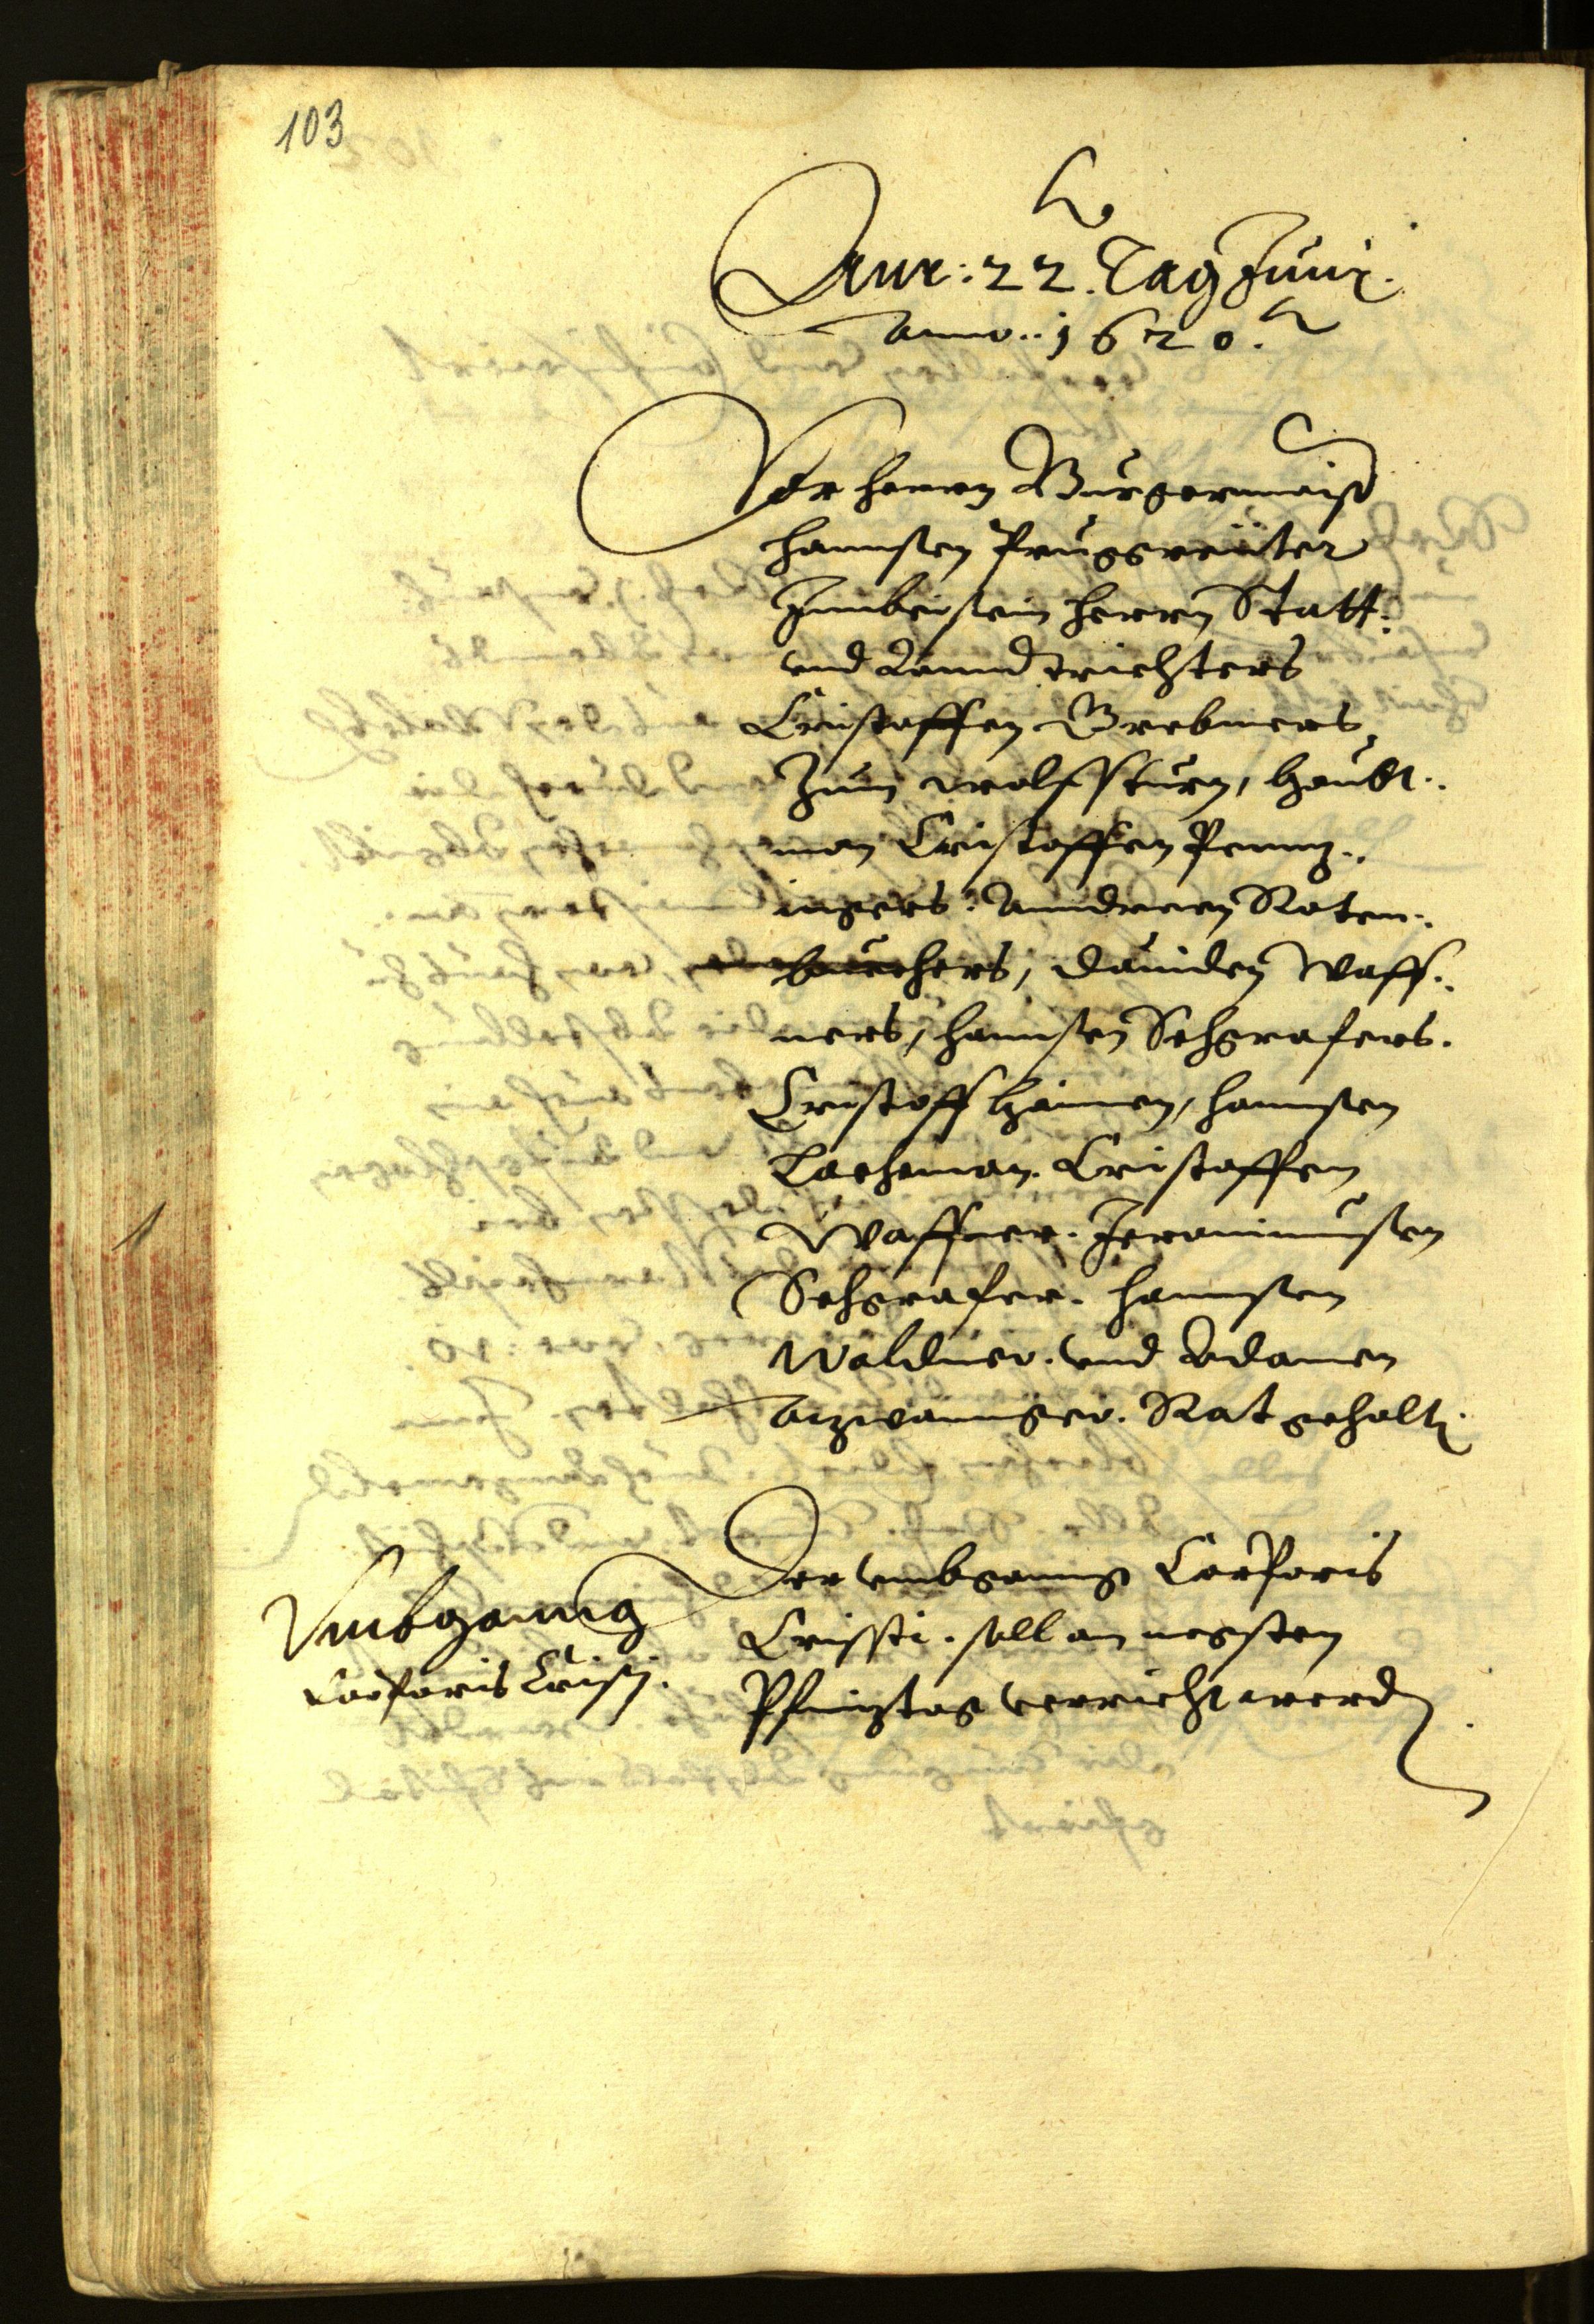t
Am: 22. Tag Jūnj.
Anno: 1620.t
103
Vor herrn Būrgermaist
hannsen Prūggreüter
Innbeisein herrn Statt¬
vnd Lanndtrichters
Cristoffen Grebmers
Zūm Wolfstūrn, Haūbt¬
man Cristoffen Pennz¬
ingers. Anndreen Roten¬
būechers, Daūiden Waff¬
ners, hannsen Schgrafers.
Cristoff Haimen, hannsen
Locheman. Cristoffen
Waffner. Jernonimūsen
Schgrafer. hannsen
Waldner. vnd Adamen
Azwannger. Rat gehalt.
Der vmbganng CorPoris
Crissti. soll an negsten
Pfinztag verricht werd.
Umbganng
CorPoris Cristj.